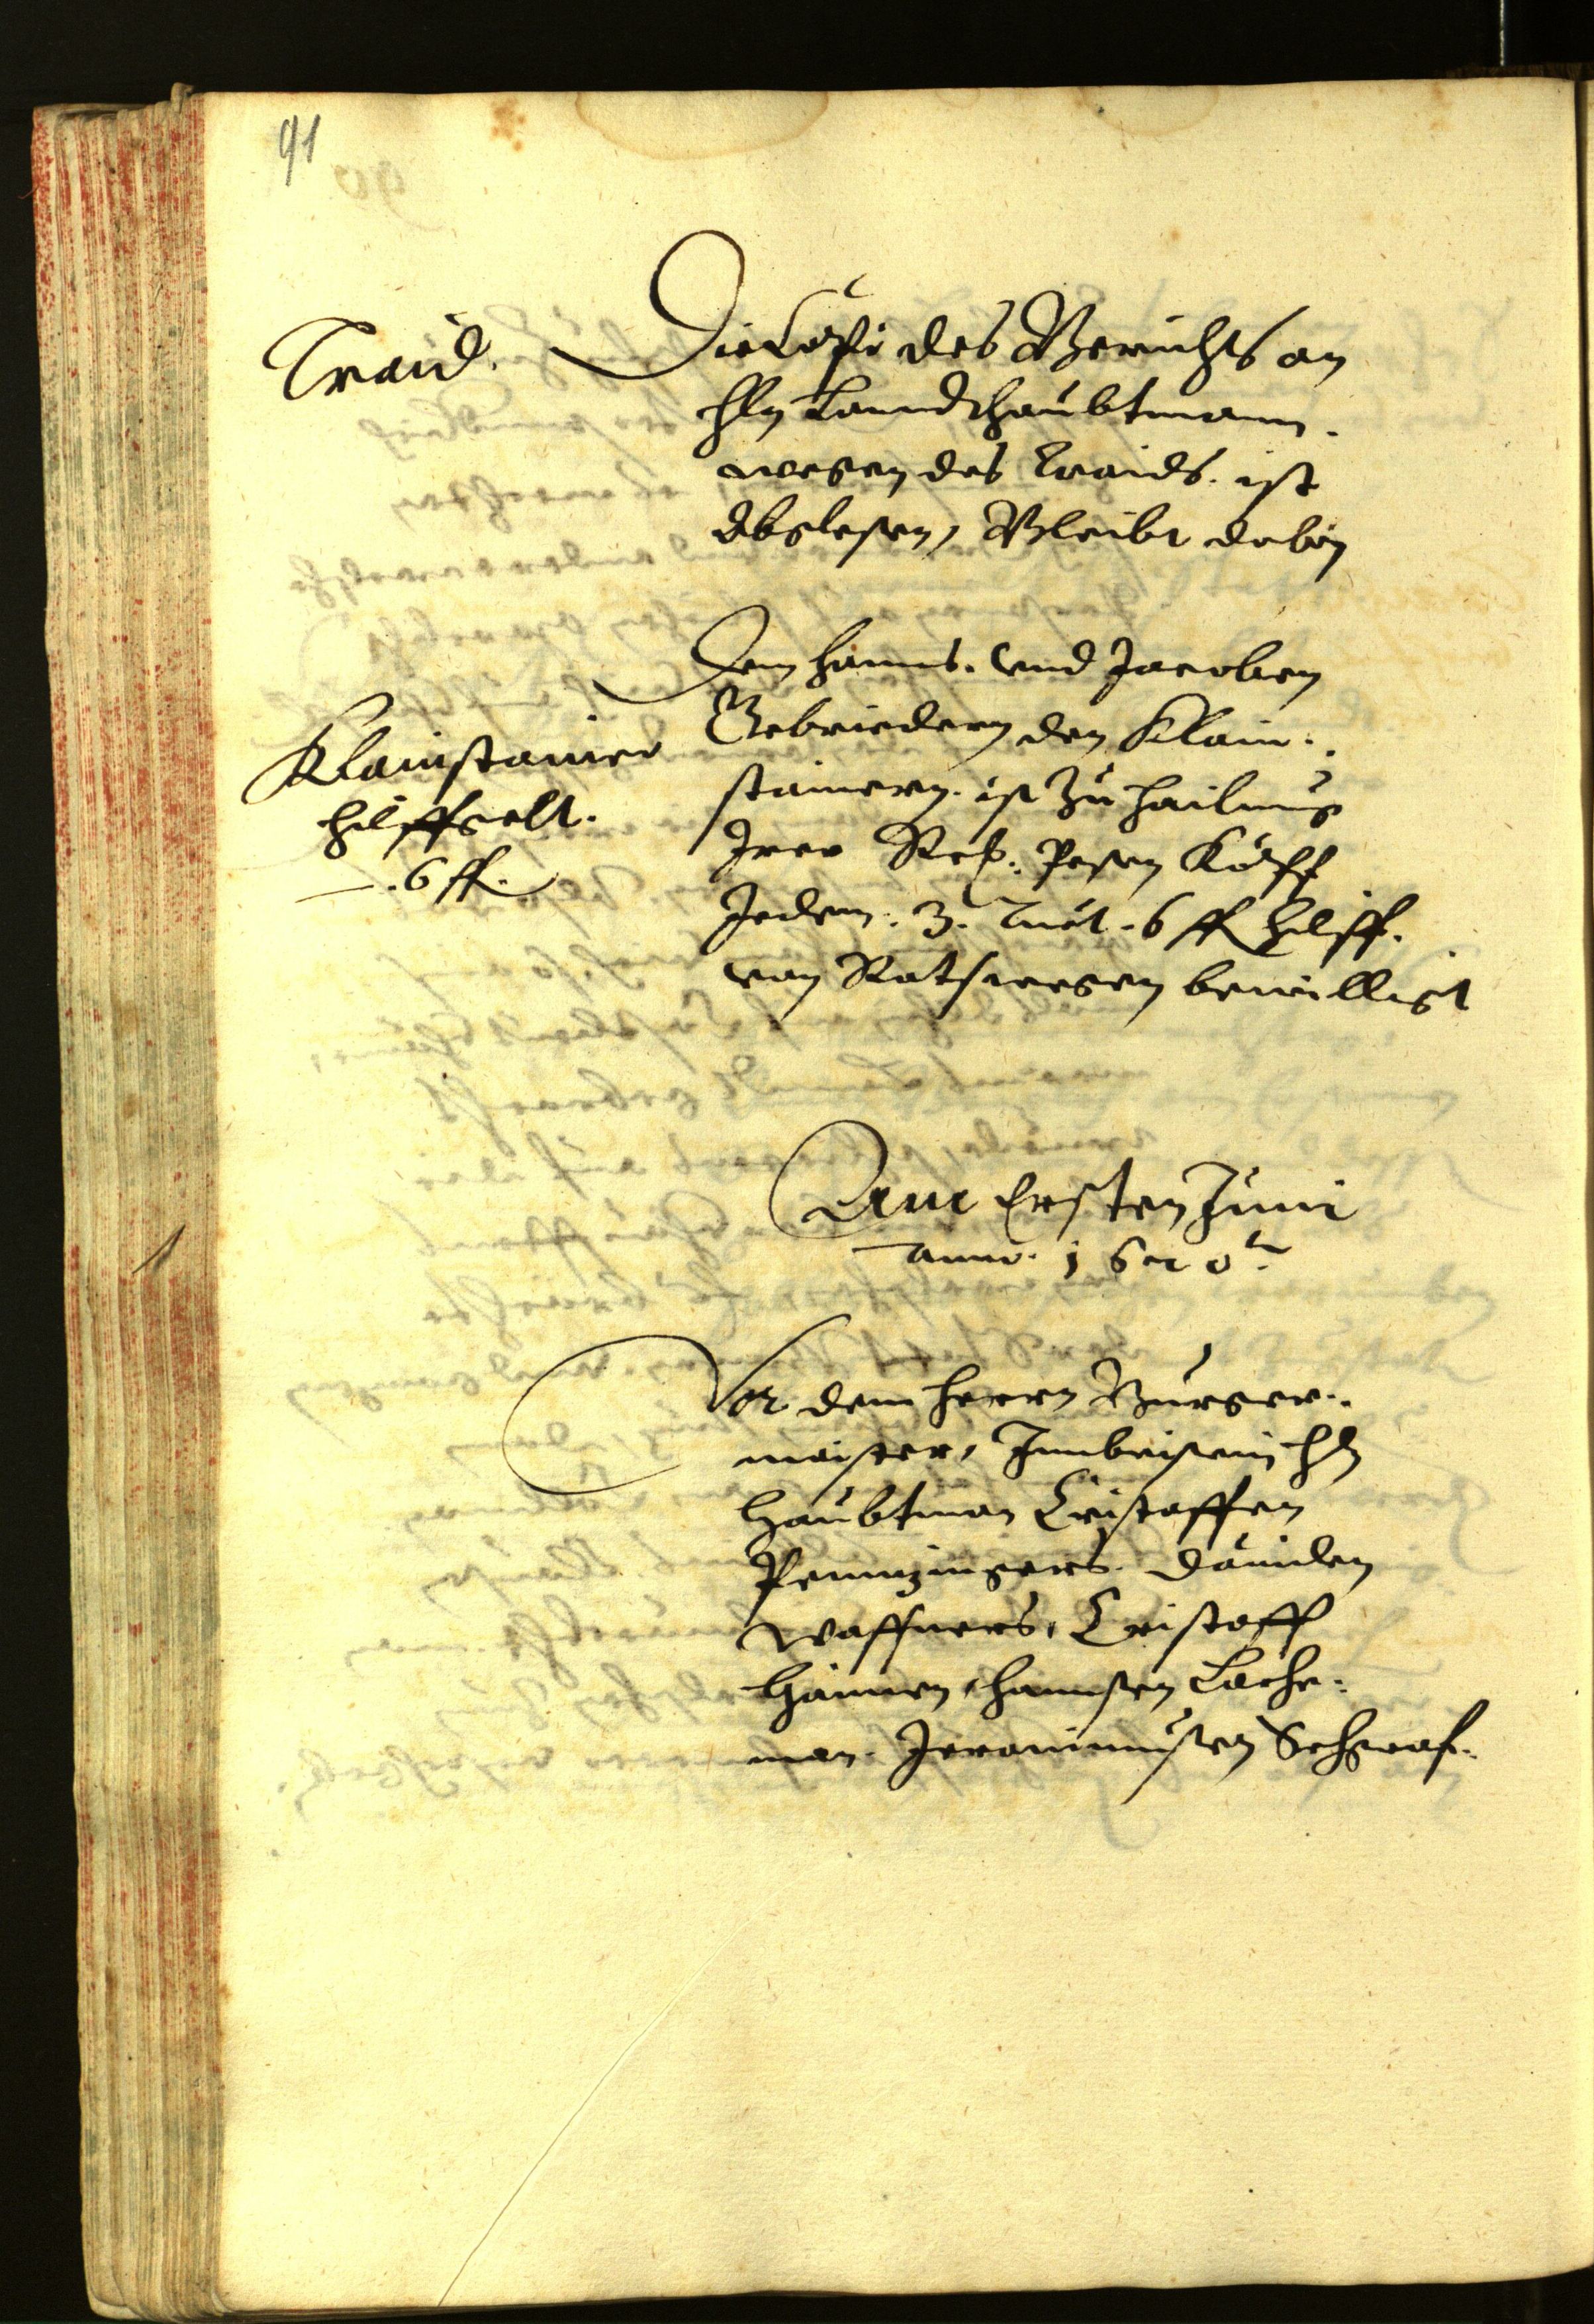91
Die CoPi des Berichts an
hln Lanndthaūbtmann.
wegen des Traids. ist
Abglesen, Bleibt dabej
Traid.
Dem hanns. vnd Jacoben
Gebriedern den Klain¬
stainern. ist Zū Hailūng
Irer Re: Person Kōpf
Jedem: 3. Tūet .6 fl hilff
von Ratswegen bewilligt
Klainstainer
hilffgelt.
—. 6 fl.
Am Ersten Jūni
Anno .1620.t
Vor dem herrn Būrger¬
maister, Innbeisein hln
Haūbtman Cristoffen
Pennzingers. Daūiden
Waffners, Cristoff
Haimen, hannsen Loche¬
man. Jeronimūsen Schgraf¬